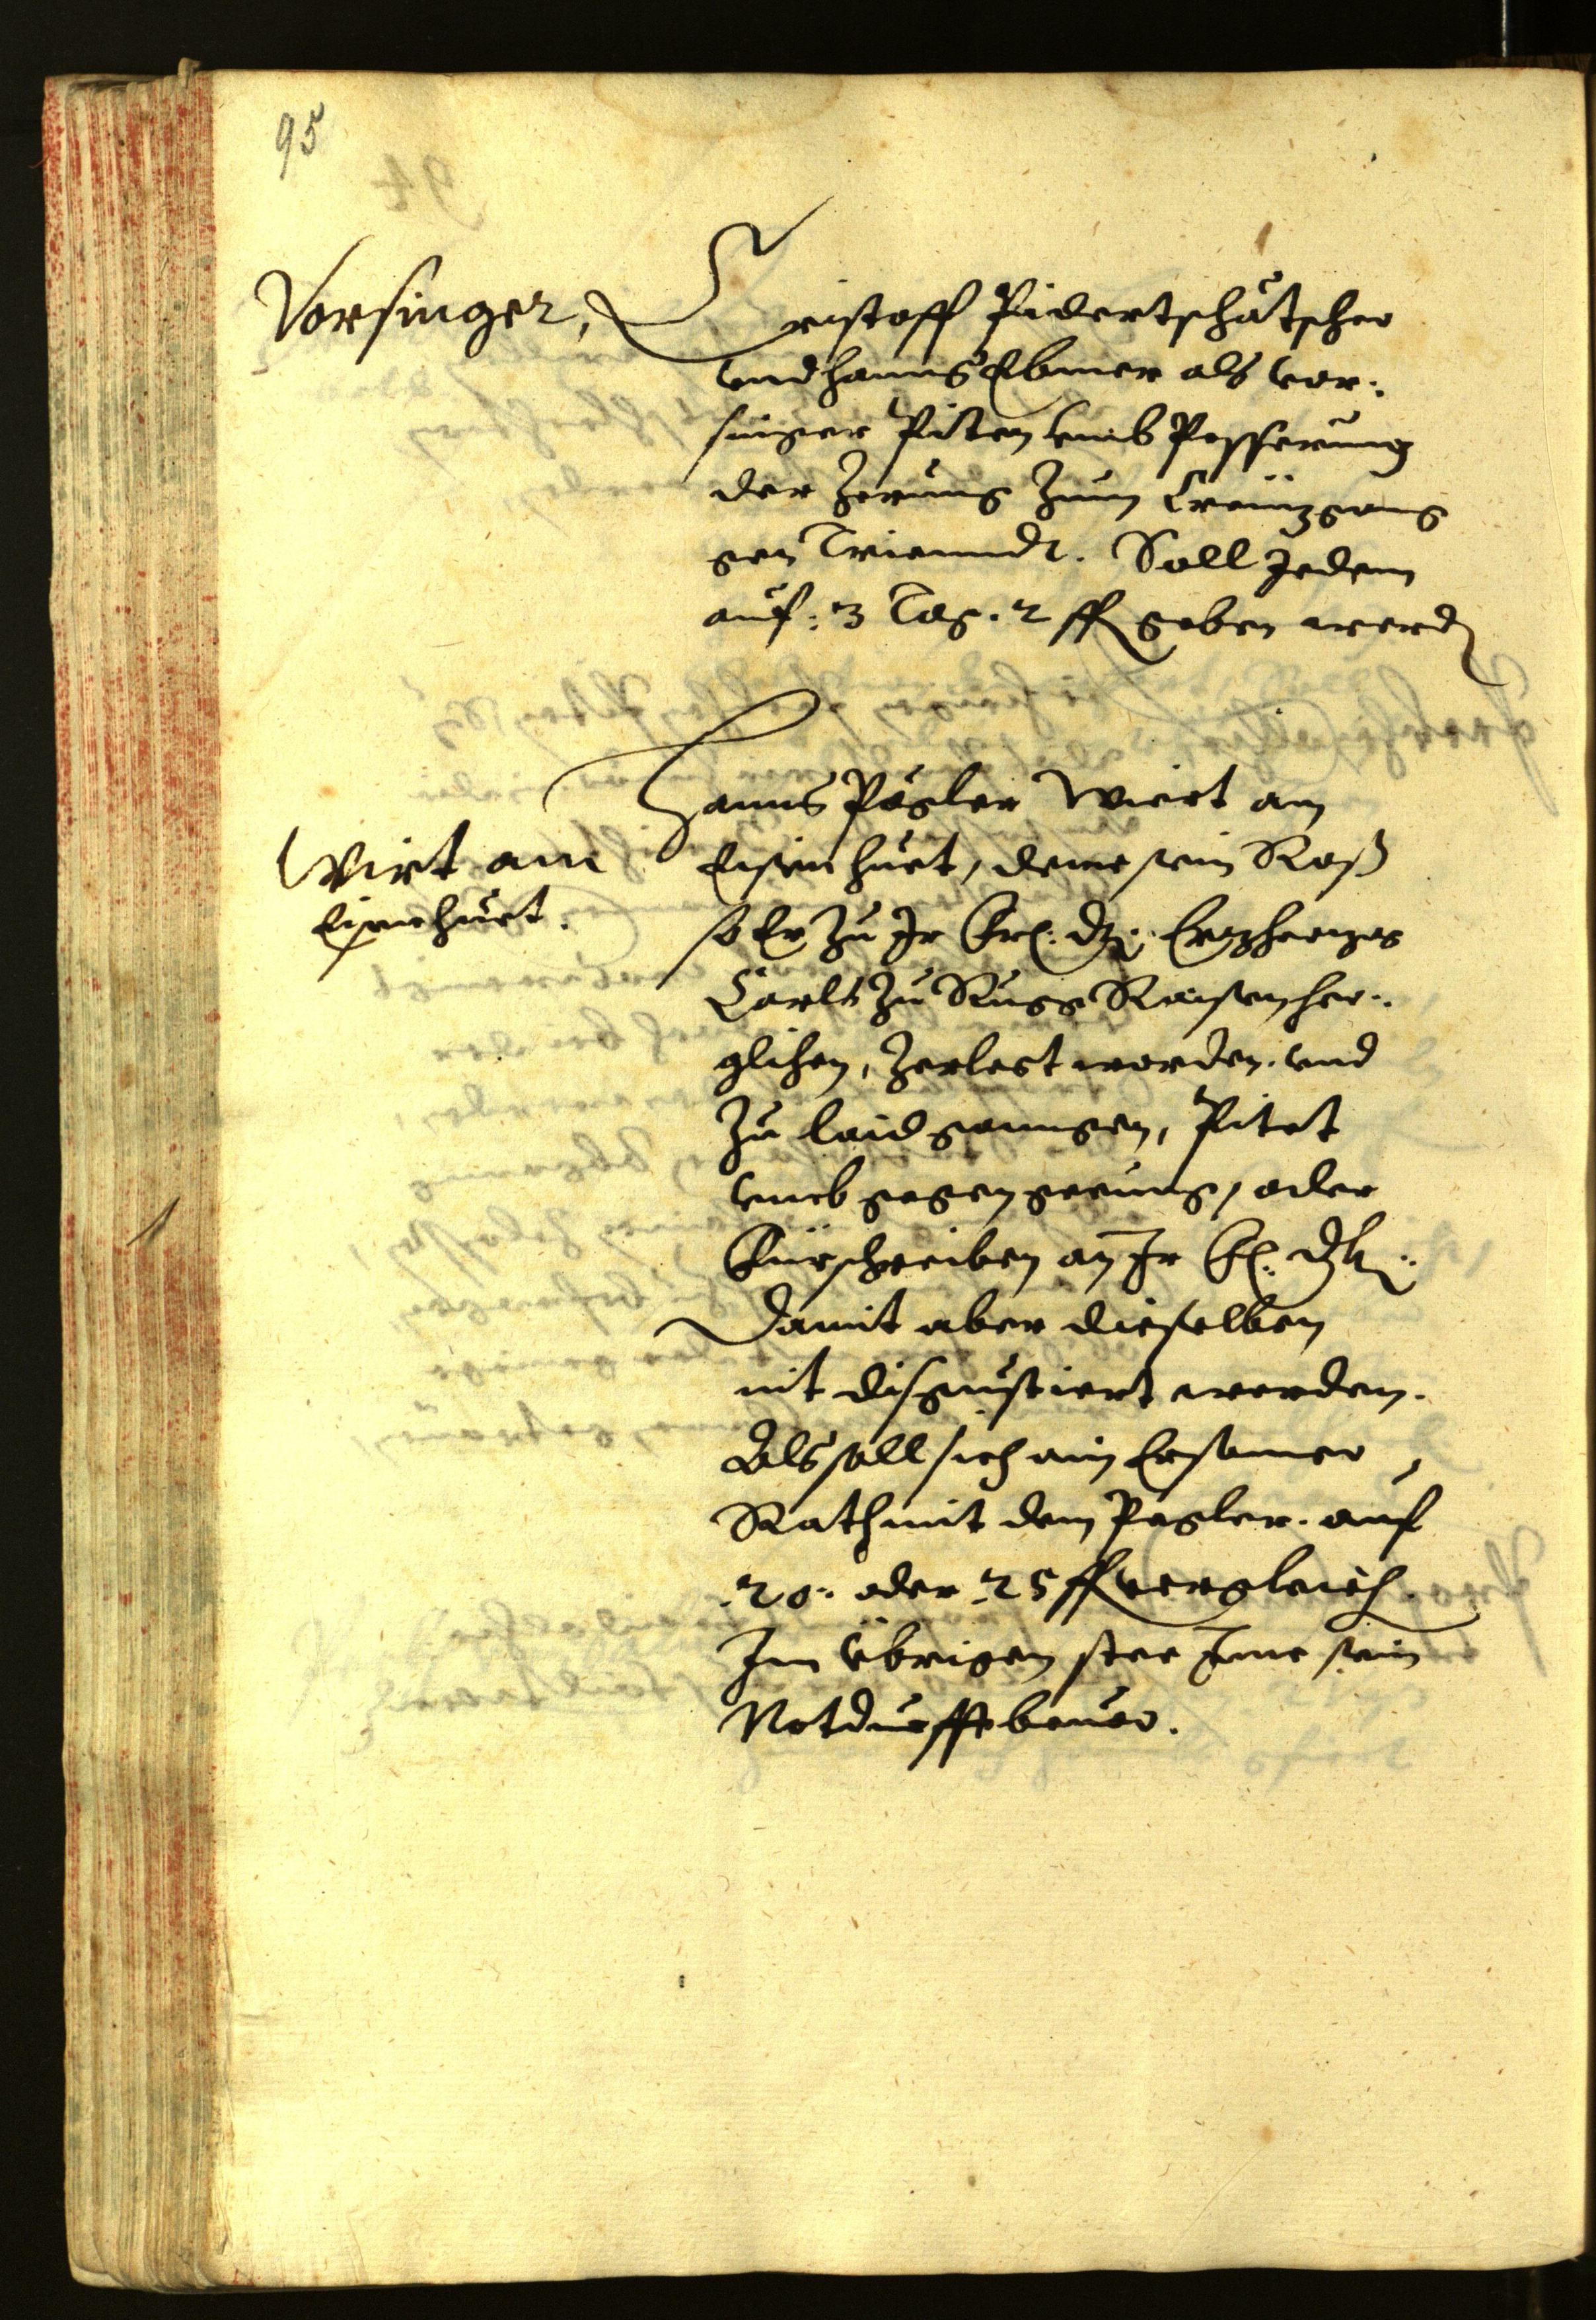95
Cristoff Pidertschātscher
vnd hanns Ebmer als vor¬
singer Piten vmb Pesserūng
der Zerūng Zūm Creüzgang
gen Trienndt. Soll Jedem
aūf: 3 Tag .2 fl geben werd.
Vorsinger,
Hanns Pāgler Wiert am
Eisenhūet, deme sein Roß
So Er Zū Ir Frl: dt: Erzherzog
Carls Zū Rūgg Raisen her¬
glihen, Zerlegt worden. vnd
Zū laid ganngen, Pitet
vmb gegen gerūng, oder
Fürschreiben an Ir Fl: dlt:
Damit aber diselben
nit disgūstiert werden.
Als soll sich ain Ersamer
Rath mit dem Pagler. aūf
.20: oder .25 fl vergleich.
Im v̈brigen stee Ime sein
Notdūrfft beūor.
Wirt am
Eisenhūet.